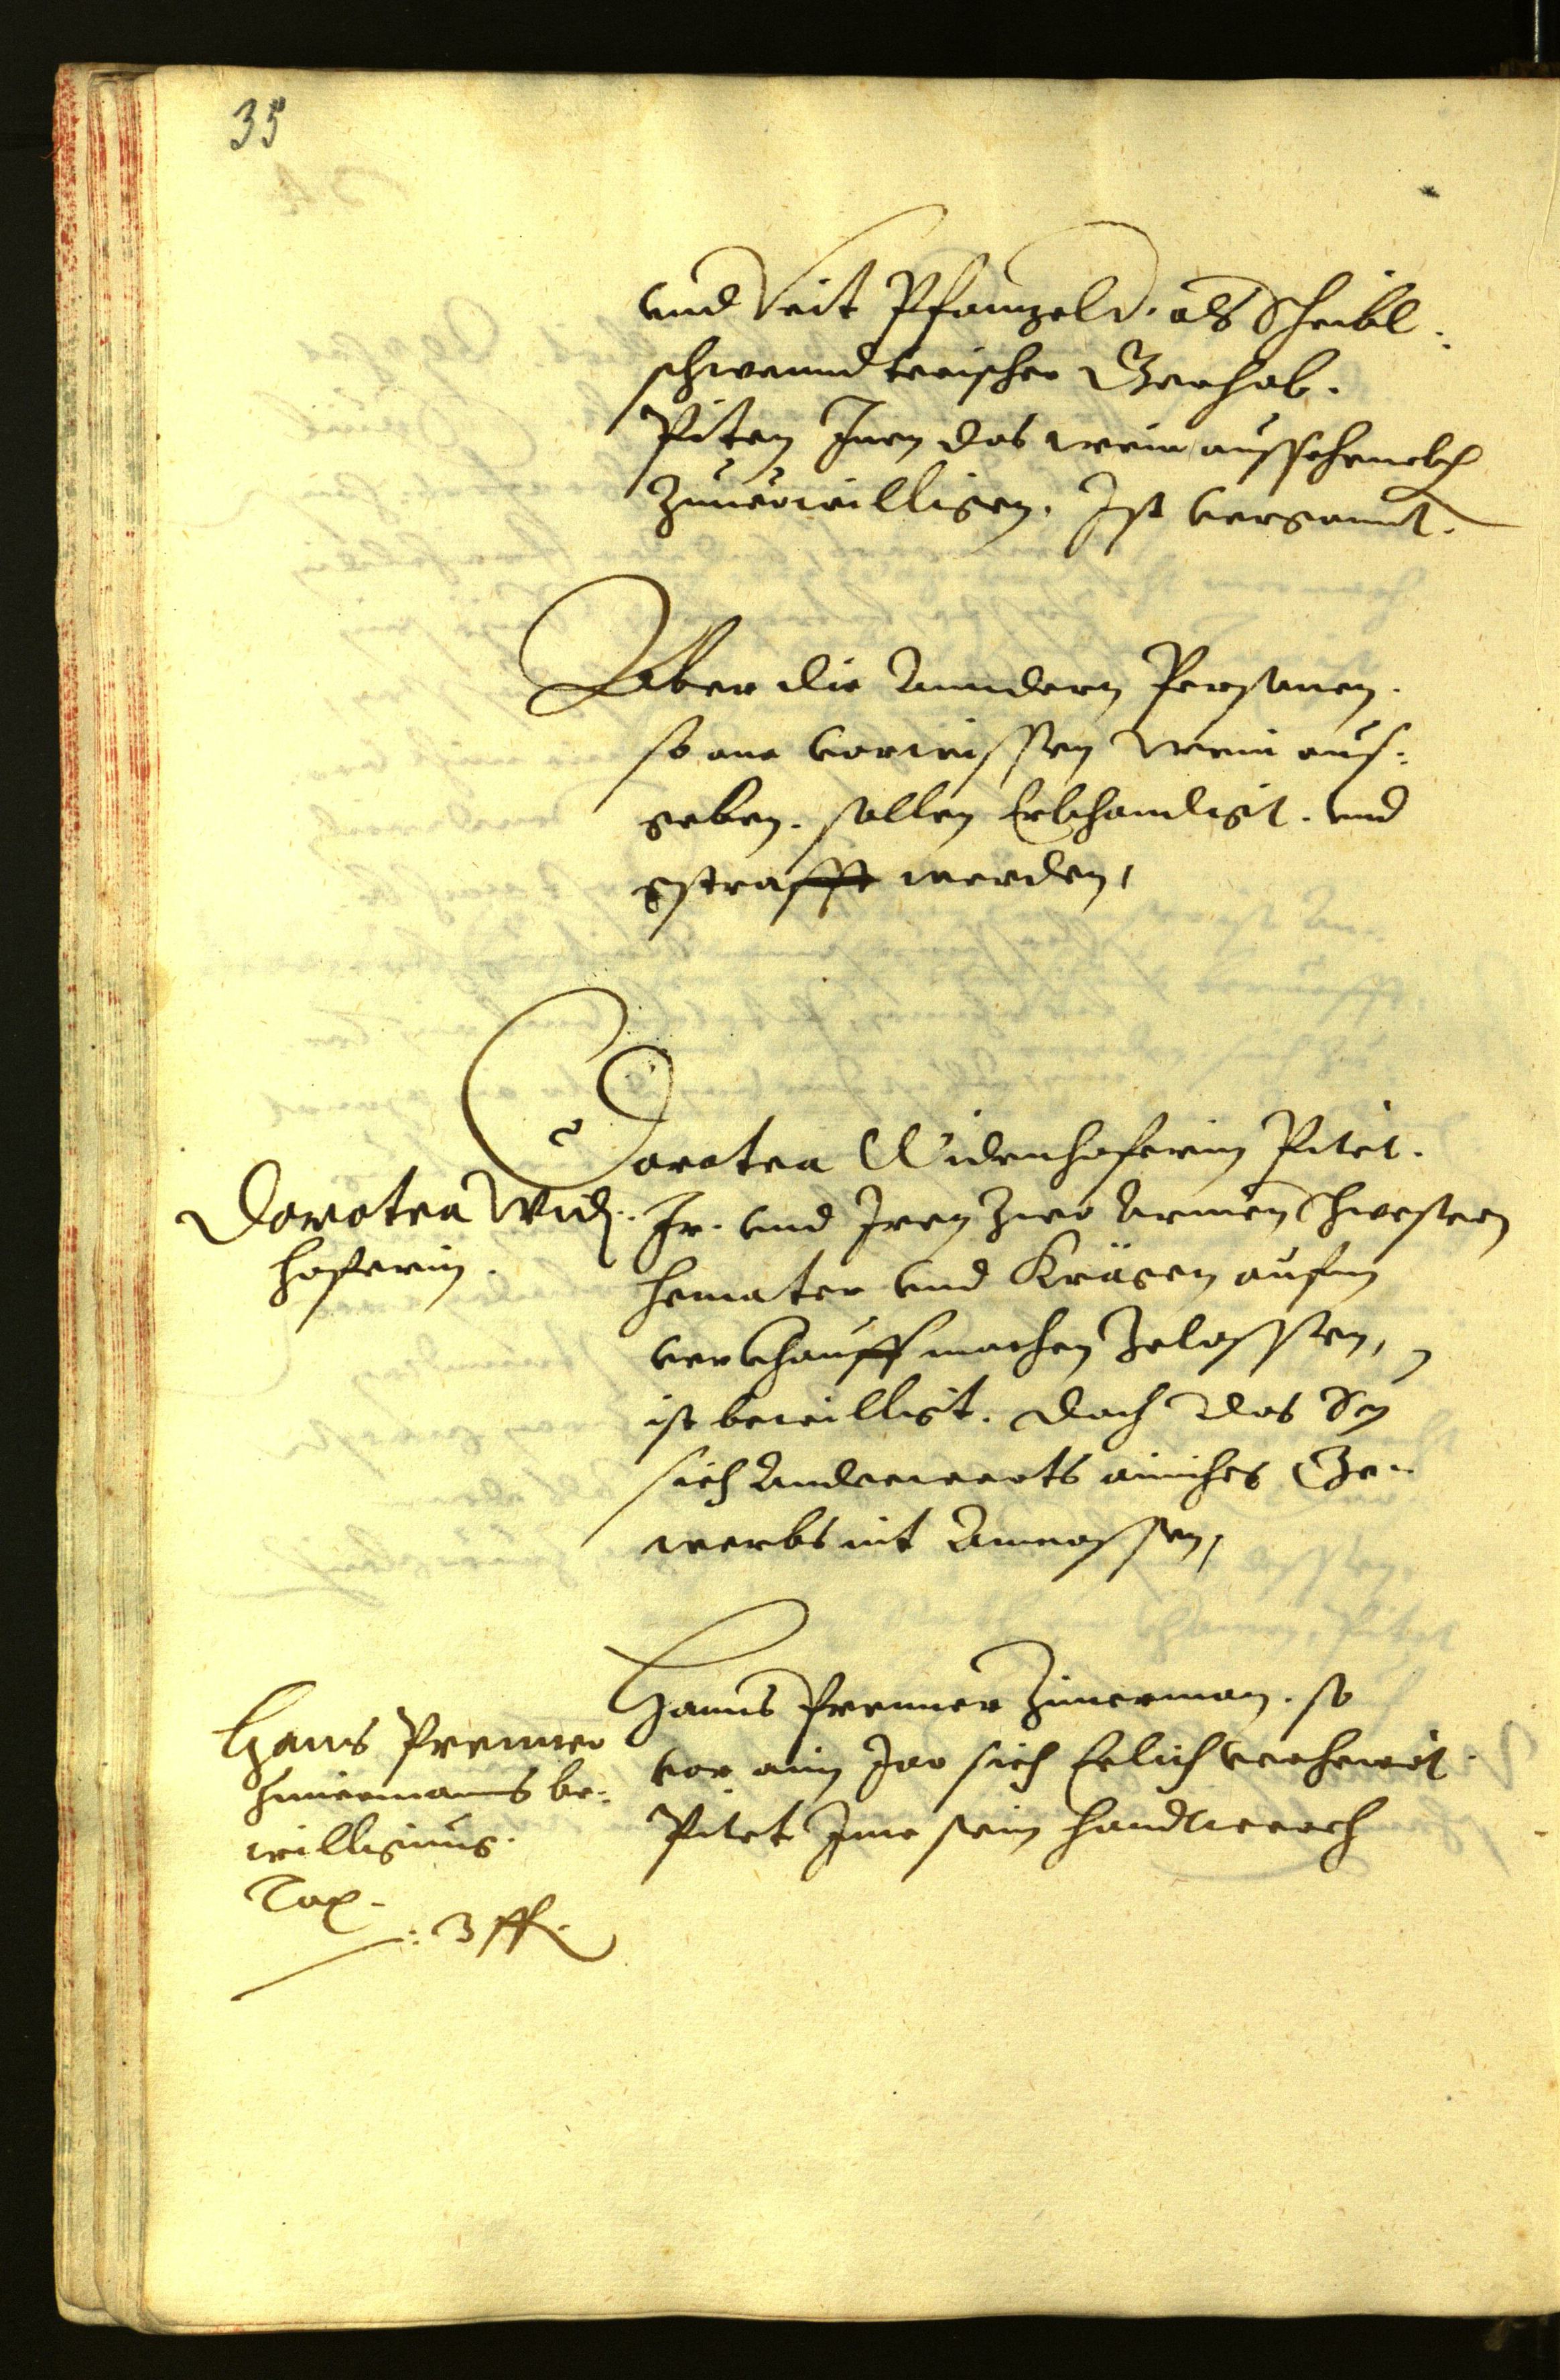35
vnd Veit Pfanzelt. als Scheibl¬
schwenndterischer Gerhab.
Piten Inen das weinaūsschenckh
Zūuērwilligen. Ist vergonnt.
Aber die Anndern Personen.
So one vorwissen Wein aūs¬
geben. sollen Erkhondigt. vnd
gstrafft werden,
Dorotea Widenhoferin Pitet.
Ir. vnd Iren Zwe Armen Schwestern
Hemater vnd Krägen aūfm
verkhaūff machen Zelassen,
ist bewilligt. doch das Sȳ
sich Anderwerts ainiches Ge¬
werbs nit Anmassen,
Dorotea Wid¬
hoferin.
Hanns Prenner Zimerman. so
vor aim Jar sich Erlich verheirat.
Pitet Ime sein handtwerch
Hans Prenner
Zimermanns be¬
willigūng.
Tax.
—: 3 fl.